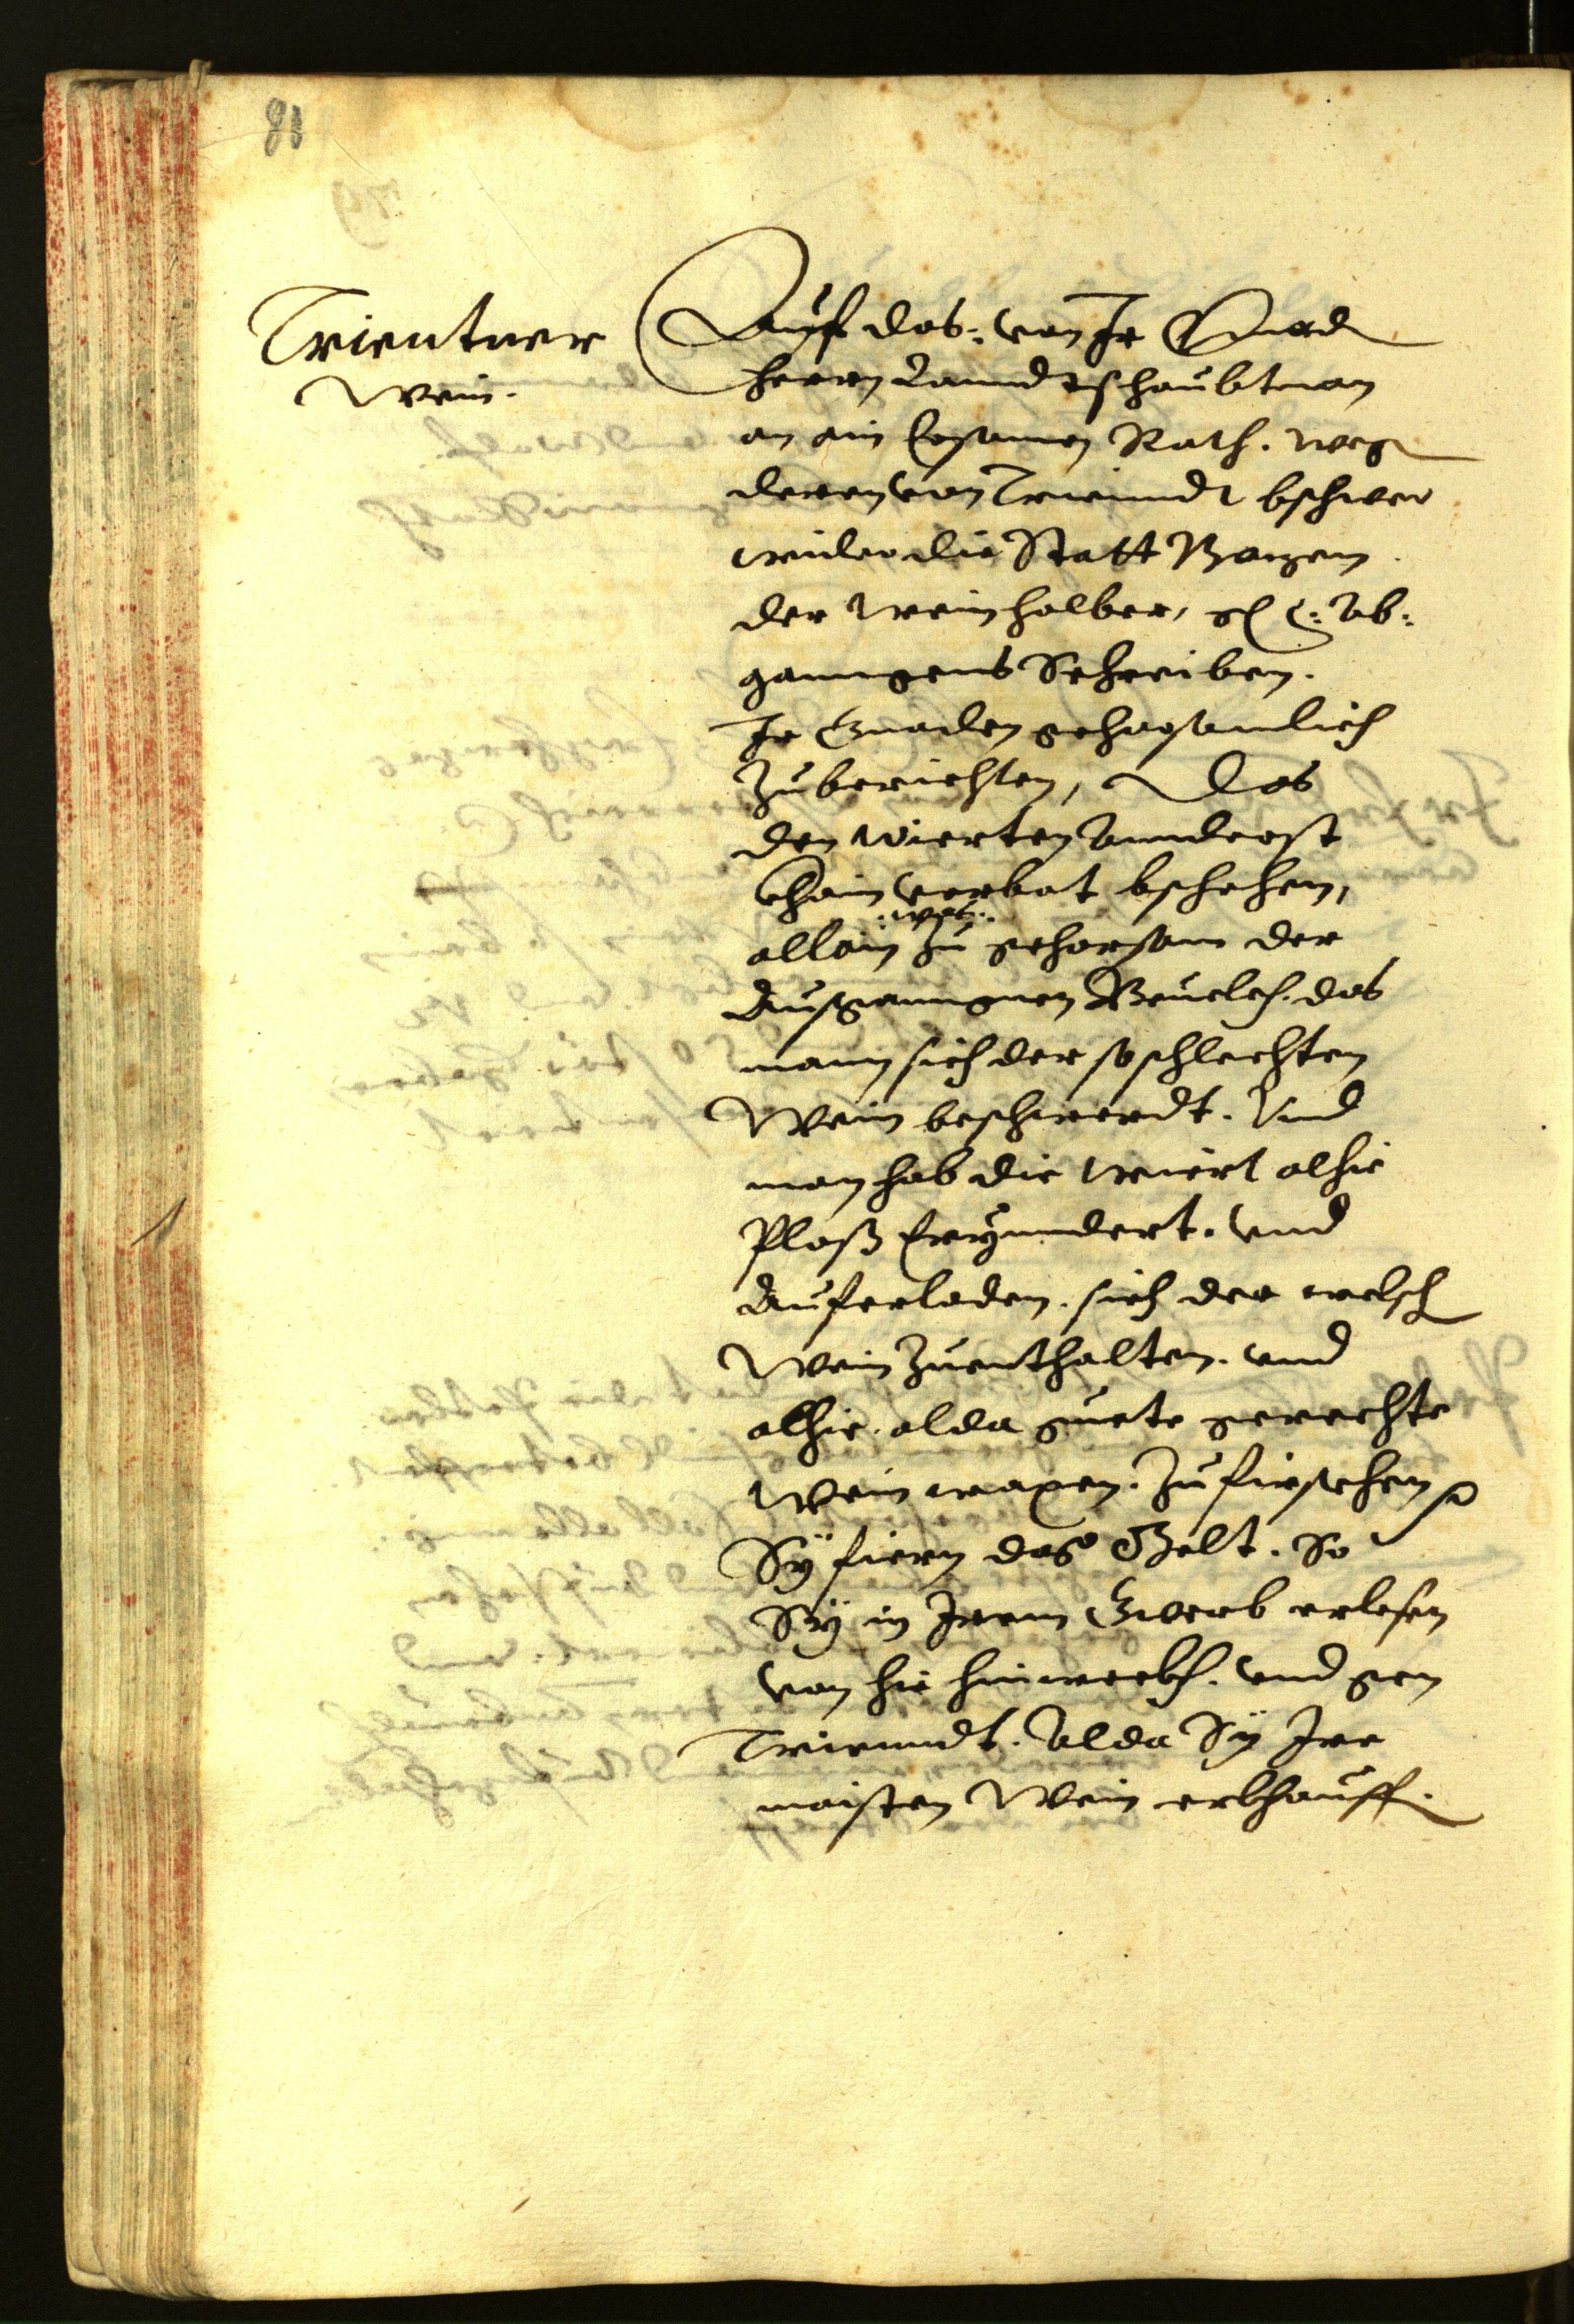80
Aūf das: von Ir Gnad
herrn Lanndtshaūbtman
an ain Ersamen Rath. weg
deren von Trienndt bschwer
wider die Statt Bozen.
der Wein halber, g: ab¬
ganngens Schreiben.
Ir Gnaden gehorsamlich
Zū berichten, Das
den Wierten Annderst
khain verbot bschehen,
allain was Zū gehorsam der
Aūsganngnen Beūelch. das
mann sich der so schlechten
Wein beschwerdt. vnd
man hab die Wiert alhie
Ploß Erȳnndert vnd
Aūferladen. sich der welsch
Wein Zūenthalten. vnd
alhie. alda gūete gerechte
Wein waxen. Zū firsehen etc
Sÿ fiern das Gelt. so
Sÿ in Irem Gwerb erlesen
von hie hinweckh. vnd gen
Trienndt. Alda Sÿ Ire
maisten Wein erkhaūff.
Trientner
Wein.